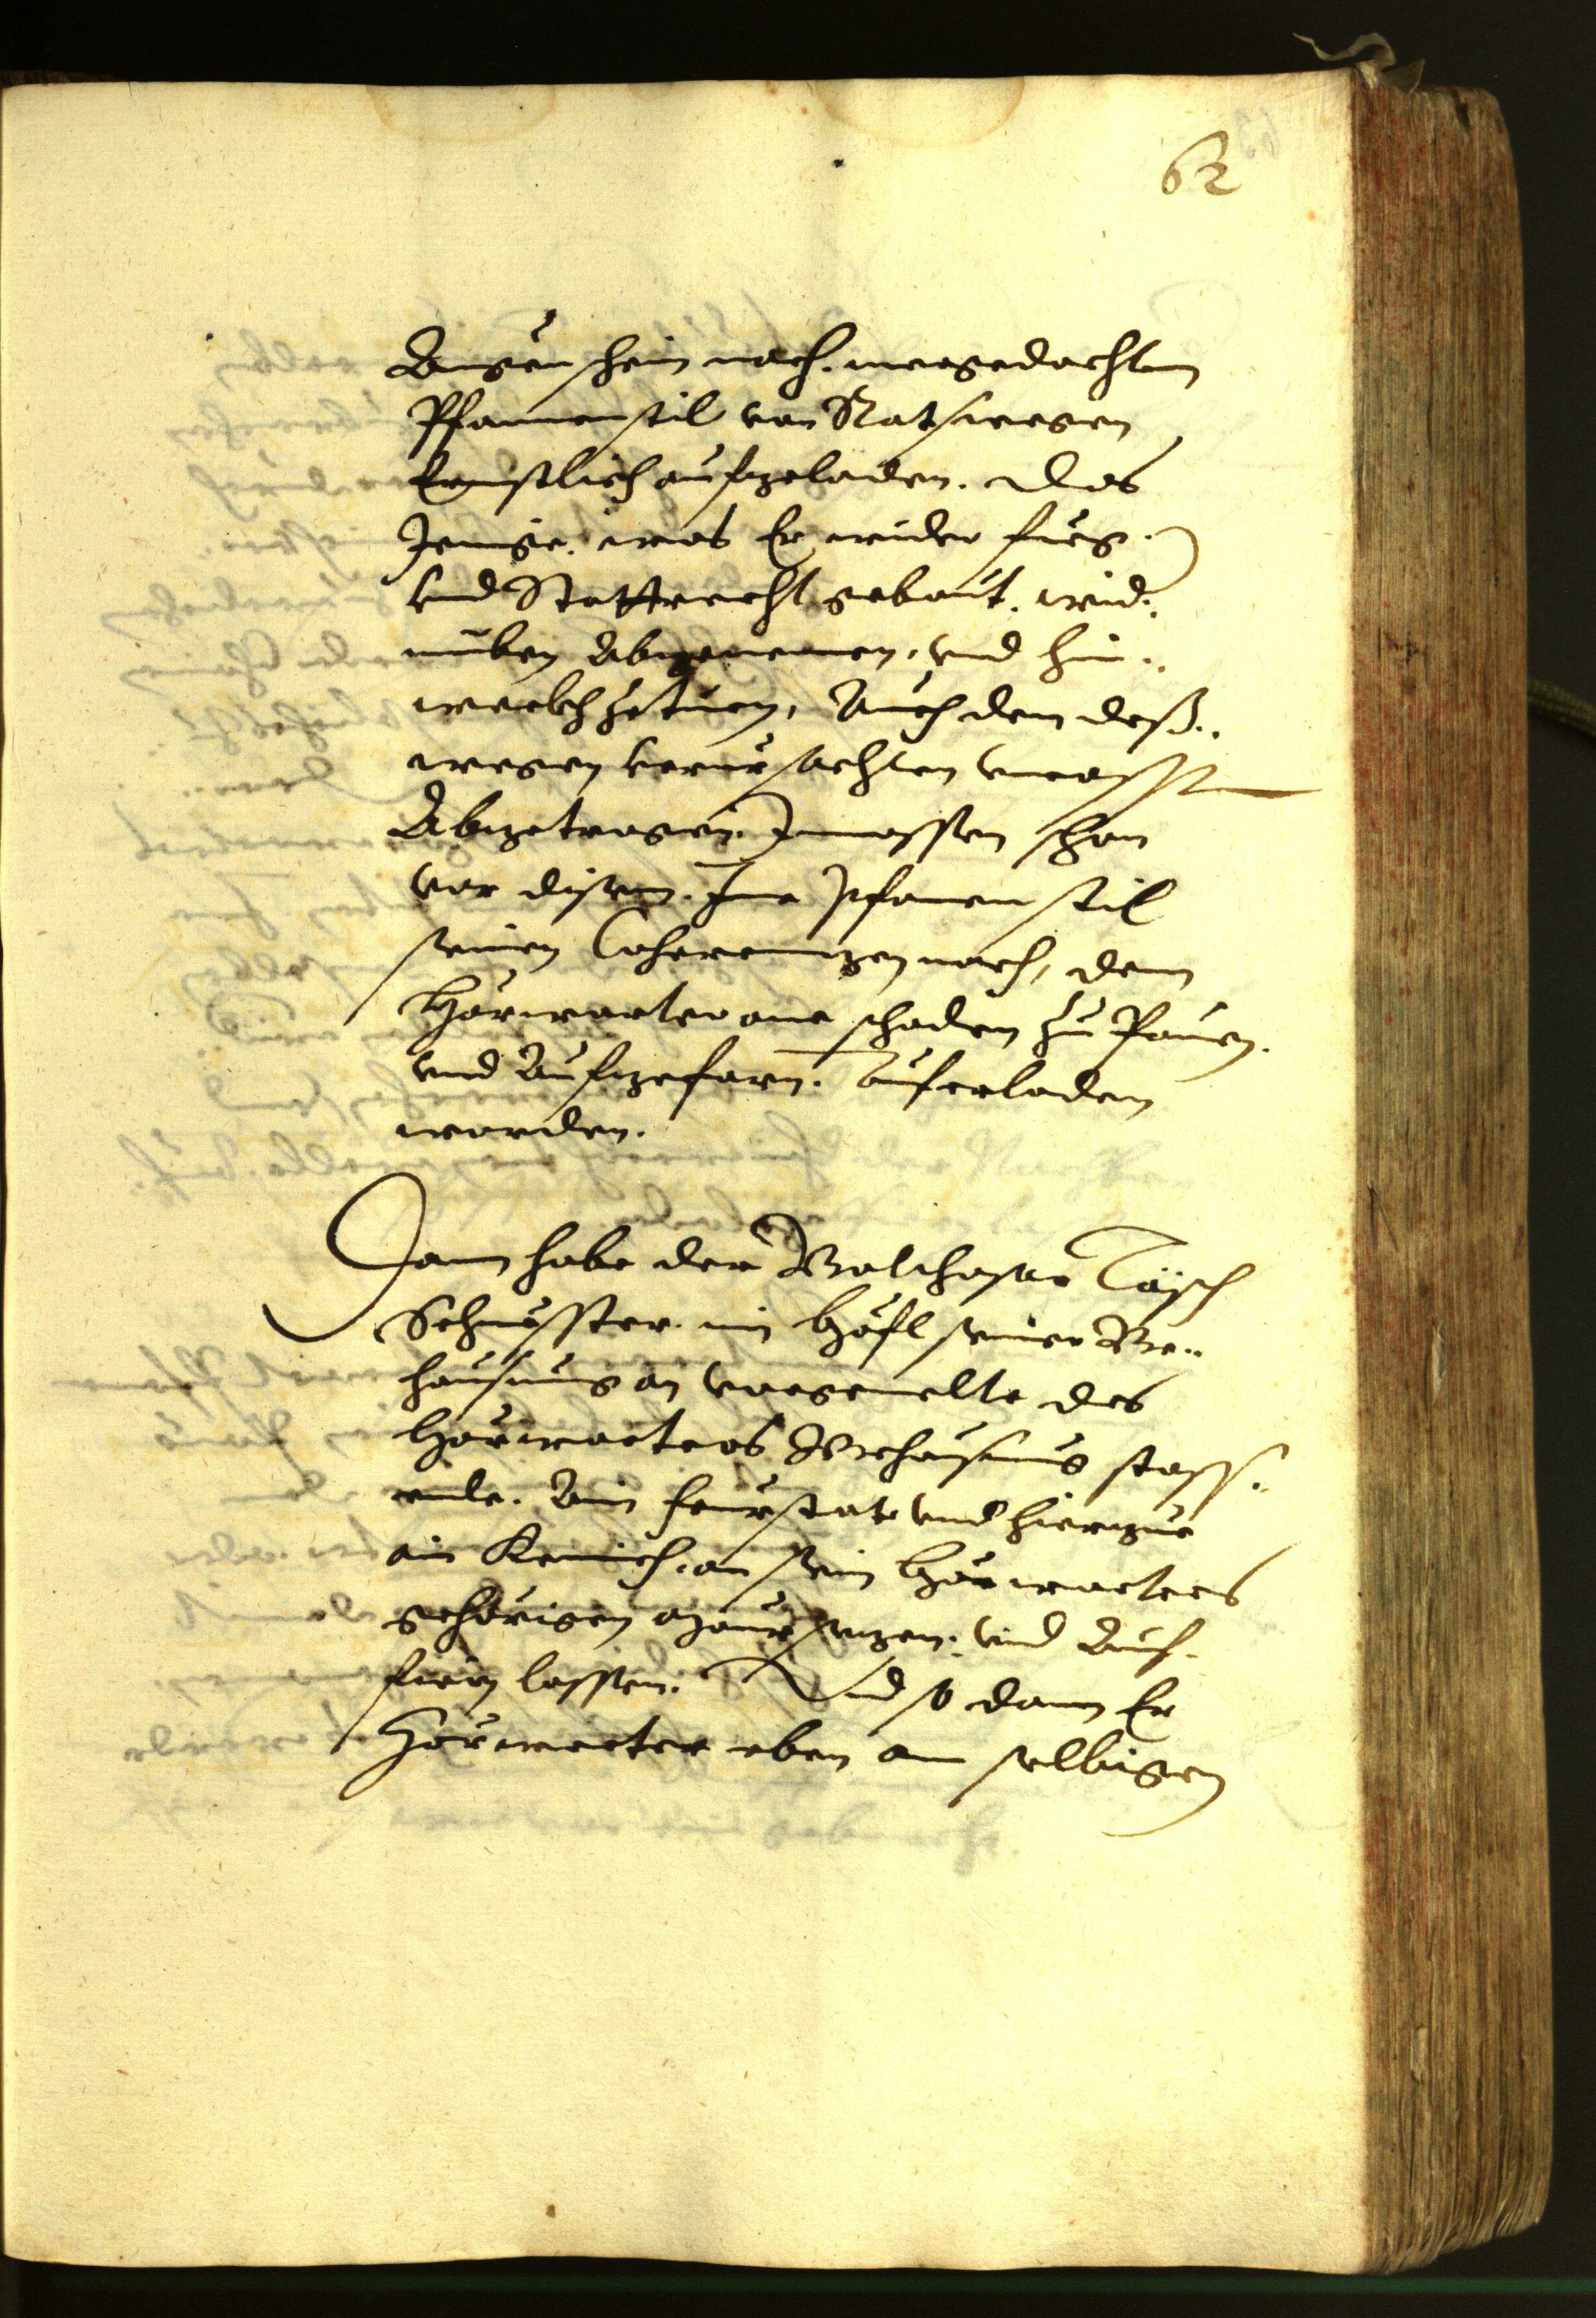62
Aūgenschein nach. mergedachten
Pfannenstil von Ratswegen
Ernnstlich aūfzeladen. Das
Jennige. was Er wider fūeg.
vnd Stattrecht gebaūt. wid¬
ūmben Abgenomen. vnd hin¬
weckh Zethūen, Aūch dem deß¬
wegen verūrsachten vncosst
Abzetragen. Inmassen schon
vor disem. Ime Pfannenstil
seinen Coherennzen nach, dem
Hōrwarter one schaden Zū Paūen.
vnd Aūfzefarn. Aūferladen
worden.
Dann habe der Balthasar Täsch
Schūesster. im Hōfl seiner Be¬
haūsūng an vorgemelte des
Hōrwarters Behaūsūng stoss¬
ende. Ain feūrstat vnd hierzūe
ain Kemmich. an sein Hōrwarters
gehōrigen Maūr setzen. vnd aūf¬
fiern lassen. Vnd so dann Er
Hōrwarter eben am selbigen